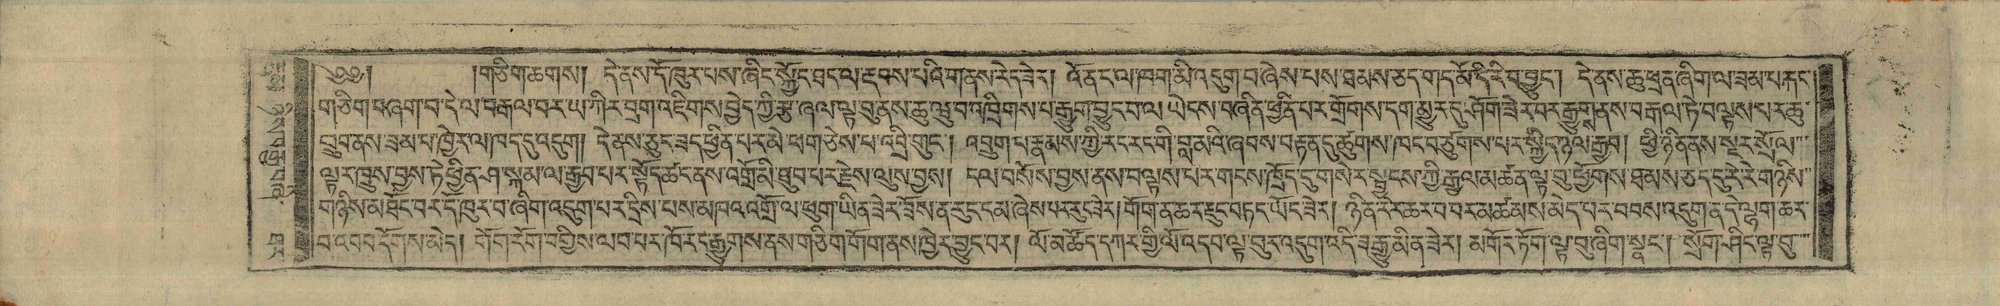༄༅། །གཅིག་ཆགས། དེ་ནས་དོ་ཁུར་པས་ཞིང་སྐྱོང་ཐང་ལ་རྡབས་པའི་གནས་རེད་ཟེར། འོ་ན་ང་ལ་ཁག་མི་འདུག་བཞེས་པས་ཐམས་ཅད་གད་མོ་དི་རི་བ་བྱུང་། དེ་ནས་ཆུ་ཕྲན་ཞིག་ལ་ཟམ་པ་རྐང་
གཅིག་བཞག་པ་དེ་ལ་བརྒལ་བར་ཡ་ཀིར་བྲག་འཇིགས་བྱེད་ཀྱི་རྩ་ཞལ་ལྟ་བུ་ནས་ཆུ་ཝུ་བ་འཁྲིགས་པ་རྒྱུག་བྱུང་བ་ལ་ཡེངས་བཞིན་ཕྱིན་པར་གྲོགས་དག་མྱུར་དུ་ཤོག་ཟེར་བར་རྒྱུགས་ནས་བརྒལ་ཏེ་བལྟས་པར་ཆུ་
བྲུབ་ནས་ཟམ་པ་ཁྱེར་ལ་ཁད་དུ་འདུག །དེ་ནས་ཅུང་ཟད་ཕྱིན་པར་མེ་ཕག་ཅེས་པ་འབྲི་གུང་། འབྲུག་པ་རྣམས་ཀྱི་རང་རང་གི་བླ་མའི་ཞབས་བརྟན་དུ་ཚུགས་ཁང་བཙུགས་པར་སྐྱིད་ཉལ་རྒྱབ། ཕྱི་ཉིན་ནས་སྔར་སྲོལ་
ལྟར་ཁྲུས་བྱས་ཏེ་ཕྱིན་ཤ་སྐམ་ལ་རྒྱབ་པར་སྟོད་ཚང་ནས་འགྲོ་མི་ཐུབ་པར་རྗེས་ལུས་བྱས། ངལ་བསོད་བྱས་ནས་བལྟས་པར་གངས་ཁྲོད་དུ་གསེར་སྦྱངས་ཀྱི་རྒྱལ་མཚན་ལྟ་བུ་ཕྱོགས་ཐམས་ཅད་དུ་རེ་རེ་གཉིས་
གཉིས་མཐོང་བར་དོ་ཁུར་བ་ཞིག་འདུག་པར་དྲིས་པས་མཁའ་འགྲོ་ལ་ཕུག་ཡིན་ཟེར་ཟོས་ན་རུང་ངམ་ཞེས་པར་རུང་ཟེར། གོག་ན་ཆར་རྡུང་བཏང་ཡོང་ཟེར། ཉིན་རེར་ཆར་བ་བར་མཚམས་མེད་པར་བབས་འདུག་ན་དེ་ལྷག་ཆར་
བ་འབབ་དོགས་མེད། གོག་རོག་བགྱིས་ལབ་པར་ཁོ་རང་རྒྱུགས་ནས་གཅིག་གོག་ནས་ཁྱེར་བྱུང་བར། ལོ་མཚོད་དཀར་གྱི་ལོ་འདབ་ལྟ་བུར་འདུག་འདི་ཟ་རྒྱུ་མིན་ཟེར། མགོར་ཏོག་ལྟ་བུ་ཞིག་སྣང་། སྲོག་ཤིང་ལྟ་བུ་